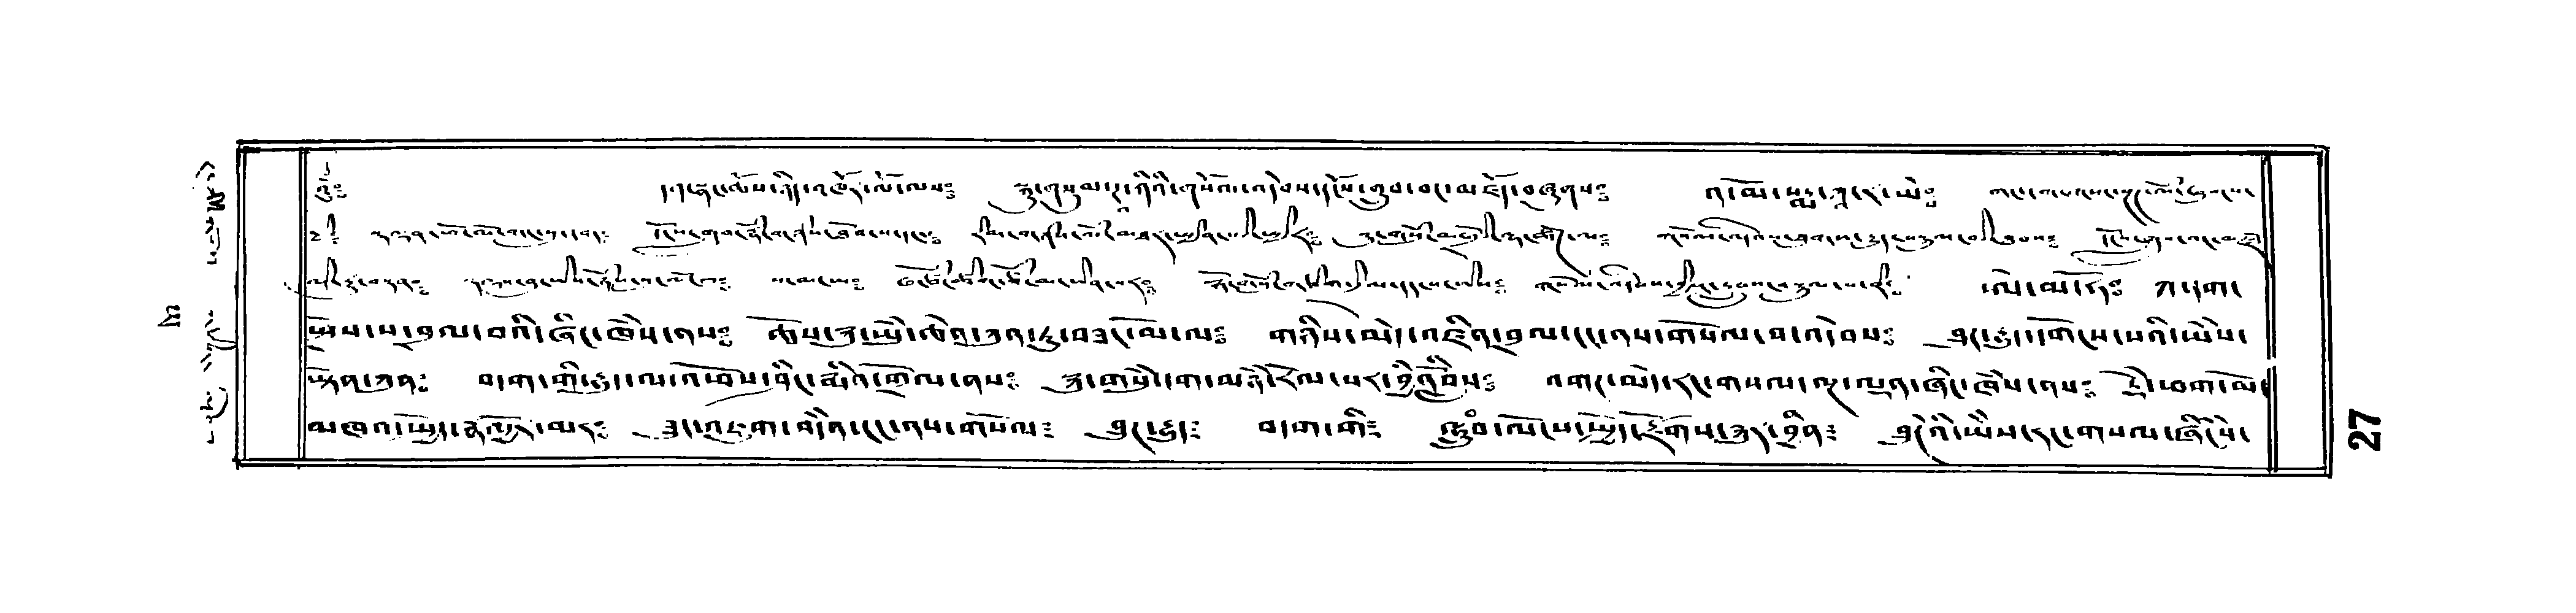དག་སྣང་ཆོས་ཉིད་འཁོར་ལོ་ལས༔ སྐུ་གསུམ་ཌཱ་ཀིའི་གསོལ་འདེབས་དངོས་གྲུབ་བང་མཛོད་བཞུགས༔ ན་མོ་པདྨ་ཀཱ་ར་ཡེ༔ གང་དག་གསང་སྔགས་ལམ་ཞུགས་
ཀྱི༔ སྐལ་ལྡན་ཕོ་མོ་གང་སུ་དག༔ དངོས་གྲུབ་རྣམ་གཉིས་ཐོབ་པ་དང༔ རིམ་གཉིས་ལམ་མཐར་ཕྱིན་པའི་ཕྱིར༔ སྐུ་གསུམ་མཁའ་འགྲོའི་ལྷ་ཚོགས་ལ༔ གསོལ་འདེབས་ཐུགས་རྒྱུད་བསྐུལ་བའི་ཐབས༔ དངོས་གྲུབ་བང་མཛོད་
འདི་རུ་བསྟན༔ སྐལ་ལྡན་བུ་ཡིས་ཉམས་སུ་ལོངས༔ ས་མ་ཡ༔ ཁ་ཙམ་ཚིག་ཙམ་མ་ཡིན་པར༔ སྒོ་གསུམ་གཅིག་དྲིལ་དད་པ་ཡིས༔ གསོལ་འདེབས་བྱིན་རླབས་བསྐུལ་པ་ནི༔ ཨེ་མ་ཧོ༔ ཀ་དག་
སྤྲོས་པ་བྲལ་བའི་ཞིང་ཁམས་ནས༔ ཆོས་སྐུ་ཡུམ་ཆེན་ཀུན་ཏུ་བཟང་མོ་ལ༔ གཉིས་མེད་འཛིན་བྲལ་ངང་ནས་གསོལ་བ་འདེབས༔ ཐུགས་རྒྱུད་དགོངས་པའི་ཡེ་ཤེས་
ཡོན་ཏན་ཀུན༔ བདག་གི་རྒྱུད་ལ་འཕོས་ཤིང་སྨིན་གྲོལ་ནས༔ སྐུ་གསུམ་དག་མཉམ་རོལ་པར་བྱིན་གྱིས་རློབས༔ འགགས་མེད་རང་གསལ་ལྔ་ལྡན་ཞིང་ཁམས་ནས༔ རྡོ་རྗེ་ཕག་མོ་
མཁའ་སྤྱོད་རྣལ་འབྱོར་མར༔ ཟུང་འཇུག་བདེ་ཆེན་ངང་ནས་གསོལ༔ ཐུགས་རྒྱུད༴ བདག་གི༴ ལྷུན་གྲུབ་ལོངས་སྤྱོད་རྫོགས་སྐུར་བྱིན༴ ཐུགས་རྗེའི་ཡེ་ཤེས་རང་གསལ་ཞིང་ཁམས་